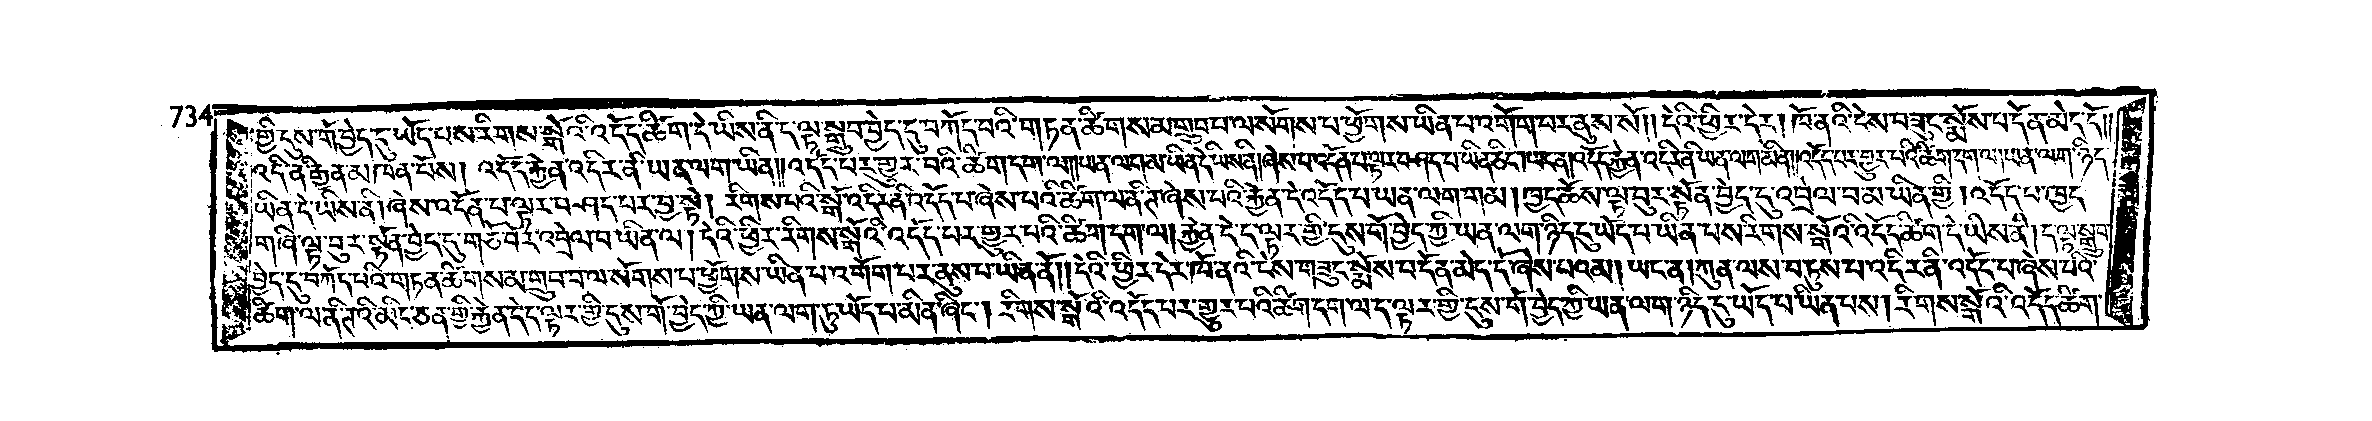གྱིས་དུས་གོ་བྱེད་དུ་ཡོད་པས་རིགས་སྒོའི་འདོད་ཚིག་དེ་ཡིས་ནི་ད་ལྟ་སྒྲུབ་བྱེད་དུ་བཀོད་པའི་གཏན་ཚིགས་མ་གྲུབ་པ་ལ་སོགས་པ་ཕྱོགས་ཡིན་པ་འགོག་པར་ནུས་སོ། །དེའི་ཕྱིར་དེར། ཁོ་ནའི་ངེས་བཟུང་སྨོས་པ་དོན་མེད་དོ། །
འདི་ནི་རྒྱན་མཁན་པོས། འདོད་རྐྱེན་འདིར་ནི་ཡན་ལག་ཡིན། །འདོད་པར་འགྱུར་བའི་ཚིག་དག་ལ། །ཡན་ལག་མ་ཡིན་དེ་ཡིས་ནི། ཞེས་པ་འདོན་པ་ལྟར་བཤད་པ་ཡིན་ཅིང་། ཡང་ན། འདོད་རྒྱེན་འདིར་ནི་ཡན་ལག་མིན། །འདོད་པར་གྱུར་བའི་ཚིག་དག་ལ། ཡན་ལག་ཉིད་
ཡིན་དེ་ཡིས་ནི། ཞེས་འདོད་པ་ལྟར་བཤད་པར་བྱ་སྟེ། རིགས་པའི་སྒོ་འདིར་ནི་འདོད་པ་ཞེས་པའི་ཚིག་ལ་ནི་ཊ་ཞེས་པའི་རྐྱེན་དེ་འདོད་པ་ཡན་ལག་གམ། ཁྱད་ཆོས་ལྟ་བུར་སྟོན་བྱེད་དུ་འབྲེལ་བ་མ་ཡིན་གྱི། འདོད་པ་ཁྱད་
གཞི་ལྟ་བུར་སྟོན་བྱེད་དུ་གཙོ་བོར་འབྲེལ་བ་ཡིན་ལ། དེའི་ཕྱིར་རིགས་སྒོའི་འདོད་པར་གྱུར་བའི་ཚིག་དག་ལ། རྐྱེན་དེ་ད་ལྟར་གྱི་དུས་གོ་བྱེད་ཀྱི་ཡན་ལག་ཉིད་དུ་ཡོད་པ་ཡིན་པས་རིགས་སྒོའི་འདོད་ཚིག་དེ་ཡིས་ནི། ད་ལྟ་སྒྲུབ་
བྱེད་དུ་བཀོད་པའི་གཏན་ཚིགས་མ་གྲུབ་པ་ལ་སོགས་པ་ཕྱོགས་ཡིན་པ་འགོག་པར་ནུས་པ་ཡིན་ནོ། །དེའི་ཕྱིར་དེར་ཁོ་ནའི་ངེས་གཟུང་སྨོས་པ་དོན་མེད་དོ་ཞེས་པའམ། ཡང་ན། ཀུན་ལས་བཏུས་པ་འདིར་ནི་འདོད་པ་ཞེས་པའི་
ཚིག་ལ་ནི་ཊའི་མིང་ཅན་གྱི་རྐྱེན་དེ་ད་ལྟར་གྱི་དུས་གོ་བྱེད་ཀྱི་ཡན་ལག་ཏུ་ཡོད་པ་མིན་ཞིང་། རིགས་སྒོའི་འདོད་པར་གྱུར་བའི་ཚིག་དག་ལ་ད་ལྟར་གྱི་དུས་གོ་བྱེད་ཀྱི་ཡན་ལག་ཉིད་དུ་ཡོད་པ་ཡིན་པས། རིགས་སྒོའི་འདོད་ཚིག་